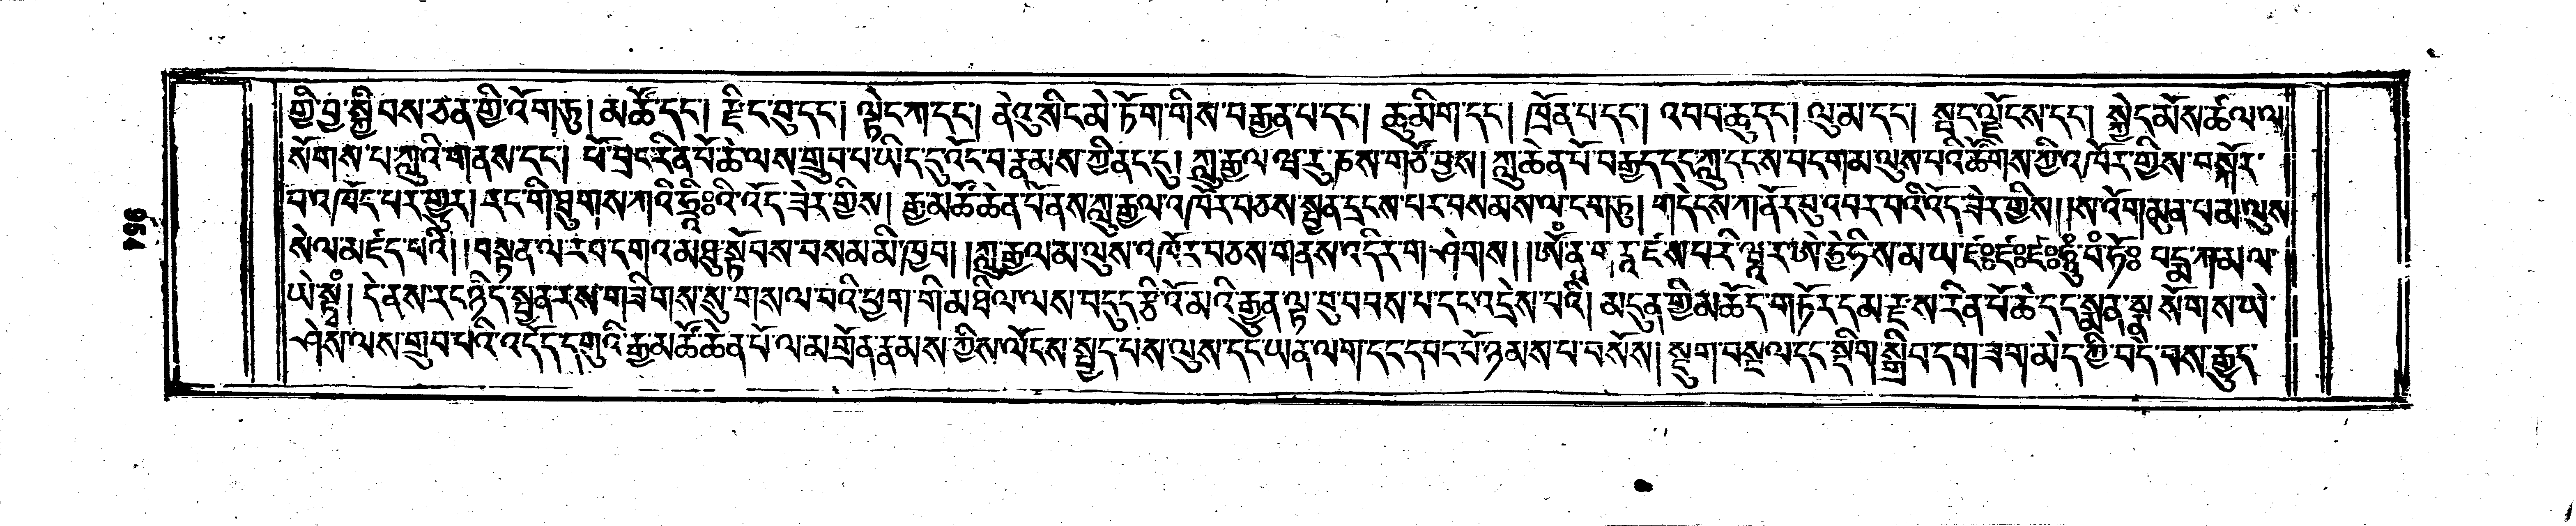གྱི་བྱ་སྐྱིབས་ཅན་གྱི་འོག་ཏུ། མཚོ་དང་། རྫིང་བུ་དང་། ལྟེང་ཀ་དང་། ནེའུ་སིང་མེ་ཏོག་གིས་བརྒྱན་པ་དང་། ཆུ་མིག་དང་། ཁྲོན་པ་དང་། འབབ་ཆུ་དང་། ལུ་མ་དང་། སྤང་ལྗོངས་དང་། སྐྱེད་མོས་ཚལ་ལ་
སོགས་པ་ཀླུའི་གནས་དང་། ཕོ་བྲང་རིན་པོ་ཆེ་ལས་གྲུབ་པ་ཡིད་དུ་འོང་བ་རྣམས་ཀྱི་ནང་དུ། ཀླུ་རྒྱལ་ཝ་རུ་ཎས་གཙོ་བྱས། ཀླུ་ཆེན་པོ་བརྒྱད་དང་ཀླུ་དང་ས་བདག་མ་ལུས་པའི་ཚོགས་ཀྱི་འཁོར་གྱིས་བསྐོར་
བ་འཁོད་པར་གྱུར། རང་གི་ཐུགས་ཀའི་ཧྲཱིཿའི་འོད་ཟེར་གྱིས། རྒྱ་མཚོ་ཆེན་པོ་ནས་ཀླུ་རྒྱལ་འཁོར་བཅས་སྤྱན་དྲངས་པར་བསམས་ལ་ངག་ཏུ། གདེངས་ཀ་ནོར་བུ་འབར་བའི་འོད་ཟེར་གྱིས། །ས་འོག་མུན་པ་མ་ལུས་
སེལ་མཛད་པའི། །བསྟན་ལ་རབ་དགའ་མཐུ་སྟོབས་བསམ་མི་ཁྱབ། །ཀླུ་རྒྱལ་མ་ལུས་འཁོར་བཅས་གནས་འདིར་གཤེགས། །ཨོཾ་ནཱ་ག་རཱ་ཛ་ས་པ་རི་ཝཱ་ར་ཨེ་ཧྱེ་ཧི་ས་མ་ཡ་ཛཿ ཛཿ ཛཿ ཧཱུཾ་བཾ་ཧོཿ པདམ་ཀ་མ་ལ་
ཡེ་སྟྭཾ། དེ་ནས་རང་ཉིད་སྤྱན་རས་གཟིགས་སུ་གསལ་བའི་ཕྱག་གི་མཐིལ་ལས་བདུད་རྩིའོ་མའི་རྒྱུན་ལྟ་བུ་བབས་པ་དང་འདྲེས་པའི། མདུན་གྱི་མཆོད་གཏོར་དམ་རྫས་རིན་པོ་ཆེ་དང་སྨན་སྣ་སོགས་ཡེ་
ཤེས་ལས་གྲུབ་པའི་འདོད་དགུའི་རྒྱ་མཚོ་ཆེན་པོ་ལ་མགྲོན་རྣམས་ཀྱིས་ལོངས་སྤྱད་པས་ལུས་དང་ཡན་ལག་དང་དབང་པོ་ཉམས་པ་བསོས། སྡུག་བསྔལ་དང་སྡིག་སྒྲིབ་དག་ཟག་མེད་ཀྱི་བདེ་བས་རྒྱུད་